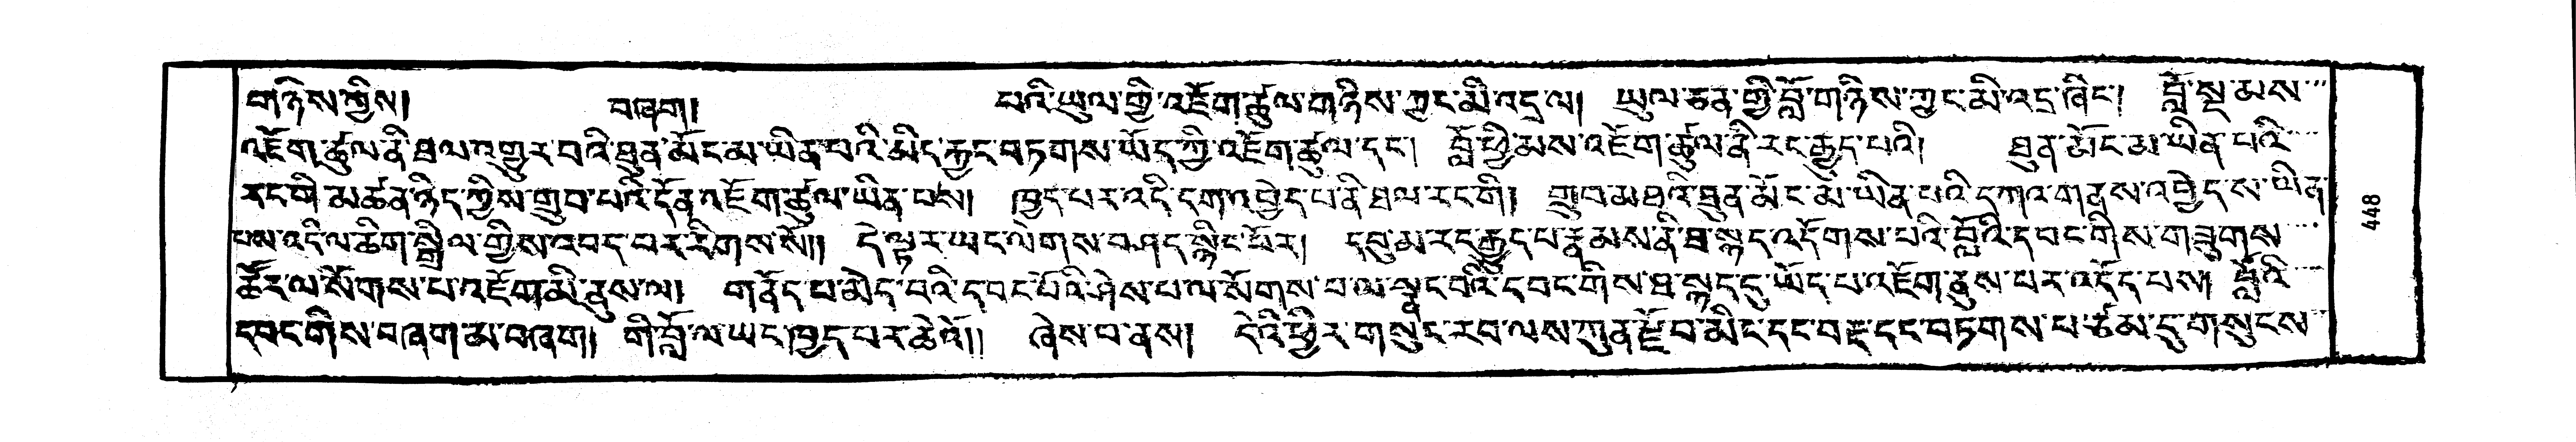གཉིས་ཀྱིས། བཞག། པའི་ཡུལ་གྱི་འཇོག་ཚུལ་གཉིས་ཀྱང་མི་འདྲ་ལ། ཡུལ་ཅན་གྱི་བློ་གཉིས་ཀྱང་མི་འདྲ་ཞིང་། བློ་སྔ་མས་
འཇོག་ཚུལ་ནི་ཐལ་འགྱུར་བའི་ཐུན་མོང་མ་ཡིན་པའི་མིང་རྐྱང་རྒྱུད་པའི། ཐུན་མོང་མ་ཡིན་པའི་རྒྱུད་པའི། ཐུན་མོང་མ་ཡིན་པའི་
རང་གི་མཚན་ཉིད་ཀྱིས་གྲུབ་པའི་དོན་འཇོག་ཚུལ་ཡིན་པས། ཁྱད་པར་འདི་དག་འབྱེད་པ་ནི་ཐལ་རང་གི། གྲུབ་མཐའི་ཐུན་མོང་མ་ཡིན་པའི་དཀའ་གནས་འབྱེད་ས་ཡིན་
པས་འདི་ལ་ཆིག་སྒྲིལ་གྱིས་འབད་པར་རིགས་སོ།། དེ་ལྟར་ཡང་ལེགས་བཤད་སྙིང་པོར། དབུ་མ་རང་རྒྱུད་པ་རྣམས་ནི་ཐ་སྙད་འདོགས་པའི་བློའི་དབང་གིས་གཟུགས་
ཚོར་ལ་སོགས་པ་འཇོག་མི་ནུས་ལ། གནོད་པ་མེད་པའི་དབང་པོའི་ཤེས་པ་ལ་སོགས་པ་ལ་སྣང་བའི་དབང་གིས་ཐ་སྙད་དུ་ཡོད་པ་འཇོག་ནུས་པར་འདོད་པས། བློའི་
དབང་གིས་བཞག་མ་བཞག། གི་བློ་ལ་ཡང་ཁྱད་པར་ཆེའོ།། ཞེས་པ་ནས། དེའི་ཕྱིར་གསུང་རབ་ལས་ཀུན་རྫོབ་མིང་དང་བརྡ་དང་བཏགས་པ་ཙམ་དུ་གསུངས་